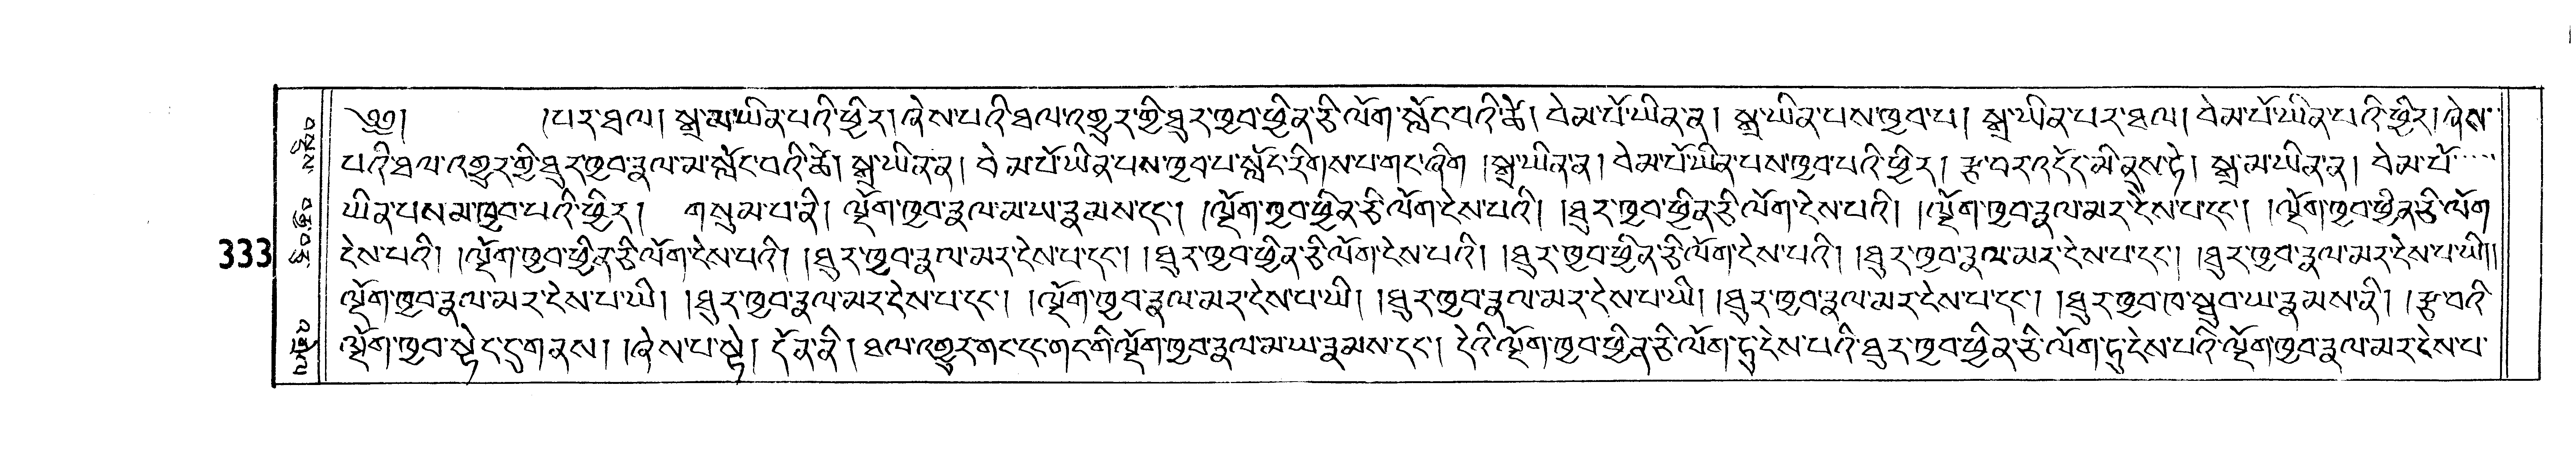༄༅། །པར་ཐལ། སྒྲ་མ་ཡིན་པའི་ཕྱིར། ཞེས་པའི་ཐལ་འགྱུར་གྱི་ཐུར་ཁྱབ་ཕྱིན་ཅི་ལོག་སློང་བའི་ཚེ། བེམ་པོ་ཡིན་ན། སྒྲ་ཡིན་པས་ཁྱབ་པ། སྒྲ་ཡིན་པར་ཐལ། བེམ་པོ་ཡིན་པའི་ཕྱིར། ཞེས་
པའི་ཐལ་འགྱུར་གྱི་ཐུར་ཁྱབ་རྣལ་མ་སློང་བའི་ཚེ། སྒྲ་ཡིན་ན། བེམ་པོ་ཡིན་པས་ཁྱབ་པ་སློང་རིགས་པ་གང་ཞིག །སྒྲ་ཡིན་ན། བེམ་པོ་ཡིན་པས་ཁྱབ་པའི་ཕྱིར། རྩ་བར་འདོད་མི་ནུས་ཏེ། སྒྲ་མ་ཡིན་ན། བེམ་པོ་
ཡིན་པས་མ་ཁྱབ་པའི་ཕྱིར། གསུམ་པ་ནི། ལྡོག་ཁྱབ་རྣལ་མ་ཡ་རྣམས་དང་། །ལྡོག་ཁྱབ་ཕྱིན་ཅི་ལོག་ངེས་པའི། །ཐུར་ཁྱབ་ཕྱིན་ཅི་ལོག་ངེས་པའི། །ལྡོག་ཁྱབ་རྣལ་མར་ངེས་པ་དང་། །ལྡོག་ཁྱབ་ཕྱིན་ཅི་ལོག་
ངེས་པའི། །ལྡོག་ཁྱབ་ཕྱིན་ཅི་ལོག་ངེས་པའི། །ཐུར་ཁྱབ་རྣལ་མར་ངེས་པ་དང་། །ཐུར་ཁྱབ་ཕྱིན་ཅི་ལོག་ངེས་པའི། །ཐུར་ཁྱབ་ཕྱིན་ཅི་ལོག་ངེས་པའི། །ཐུར་ཁྱབ་རྣལ་མར་ངེས་པ་དང་། །ཐུར་ཁྱབ་རྣལ་མར་ངེས་པ་ཡི།།
ལྡོག་ཁྱབ་རྣལ་མར་ངེས་པ་ཡི། །ཐུར་ཁྱབ་རྣལ་མར་ངེས་པ་དང་། །ལྡོག་ཁྱབ་རྣལ་མར་ངེས་པ་ཡི། །ཐུར་ཁྱབ་རྣལ་མར་ངེས་པ་ཡི། །ཐུར་ཁྱབ་རྣལ་མར་ངེས་པ་དང་། །ཐུར་ཁྱབ་ཁ་སྦུབ་ཡ་རྣམས་ནི། །རྩ་བའི་
ལྡོག་ཁྱབ་སྟེང་དུ་གནས། །ཞེས་པ་སྟེ། དོན་ནི། ཐལ་འགྱུར་གང་དང་གང་གི་ལྡོག་ཁྱབ་རྣལ་མ་ཡ་རྣམས་དང་། དེའི་ལྡོག་ཁྱབ་ཕྱིན་ཅི་ལོག་ཏུ་ངེས་པའི་ཐུར་ཁྱབ་ཕྱིན་ཅི་ལོག་ཏུ་ངེས་པའི་ལྡོག་ཁྱབ་རྣལ་མར་ངེས་པ་